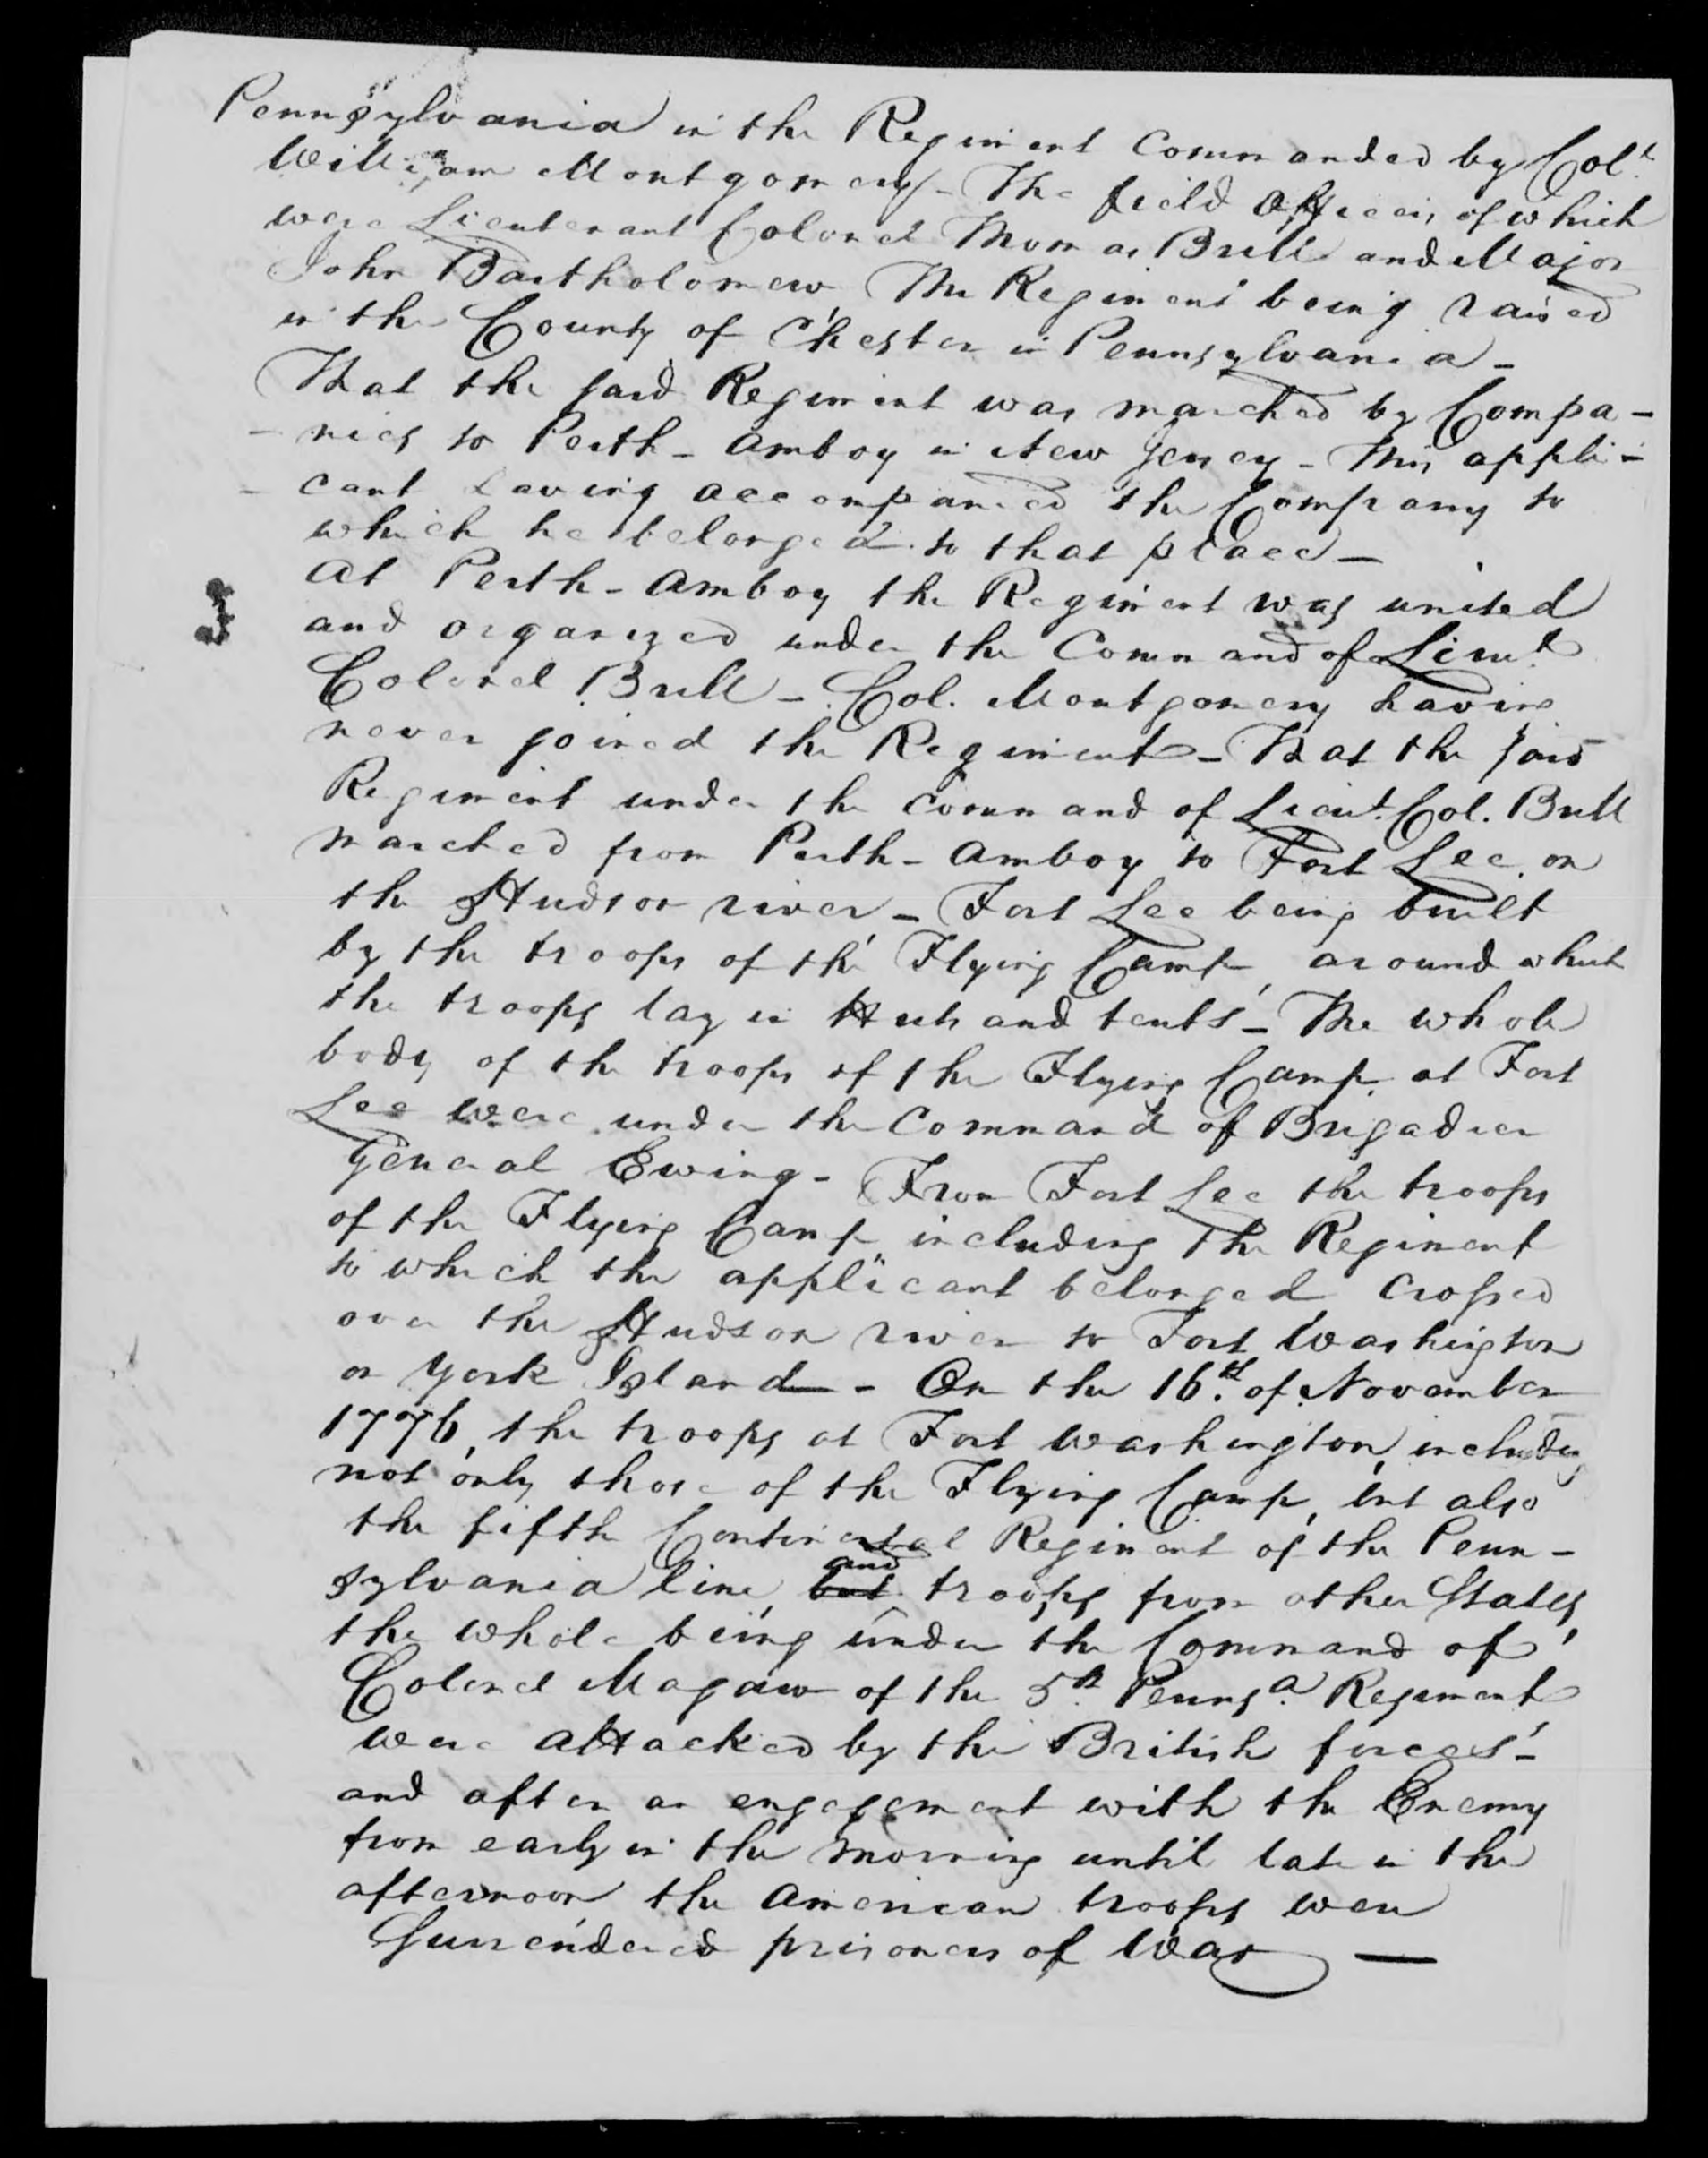Pennsylvania in the Regiment Commanded by Col. William Montgomery-The field officers of which was Lieutenant Colonel Thomas Bull and Major John Bartholomew The Regiment being raised in the County of Chester in Pennsylvania-
That the said Regiment was marched by Companies to Perth-Amboy in New Jersey This applicant Leaving accompanied by the company to which he belonged to that place-
At Perth-Amboy the Regiment was unified and organized under the command of Lieutenant Colonel Bull--Col. Montgomery Lavins never joined the Regiment--That the said Regiment under the command of Lieutenant Col. Bull marched from Perth-Amboy to Fort Lee on the Hudson river--Fort Lee being built by the troops of the Flying Camp, around which the troops lay in huts and tents-The whole body of the troops of the Flying Camp at Fort Lee were under the Command of Brigadier General Ewing--From Fort Lee the troops of the Flying Camp including The Regiment to which the applicant belonged crossed over the Hudson River to Fort Washington on York Island-On the 16th of November 1776, the troops at Fort Washington, including not only those of the Flying Camp but also the fifth Continental regiment of the Pennsylvania line, and troops from other States the whole being under the Command of Colonel Magaw of the 5th Penna. Regiment was attacked by the British forces'- and after an engagement with the Enemy from early in the morning until late in the afternoon, the American troops were Surrendered prisoners of War--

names: John Bartholomew, Bull, Magaw, Montgomery, Thomas Bull, Bull, William Montgomery, Ewing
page: 4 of 57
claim: survivor's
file: S. 2161, Hezekiah Davies, Penn